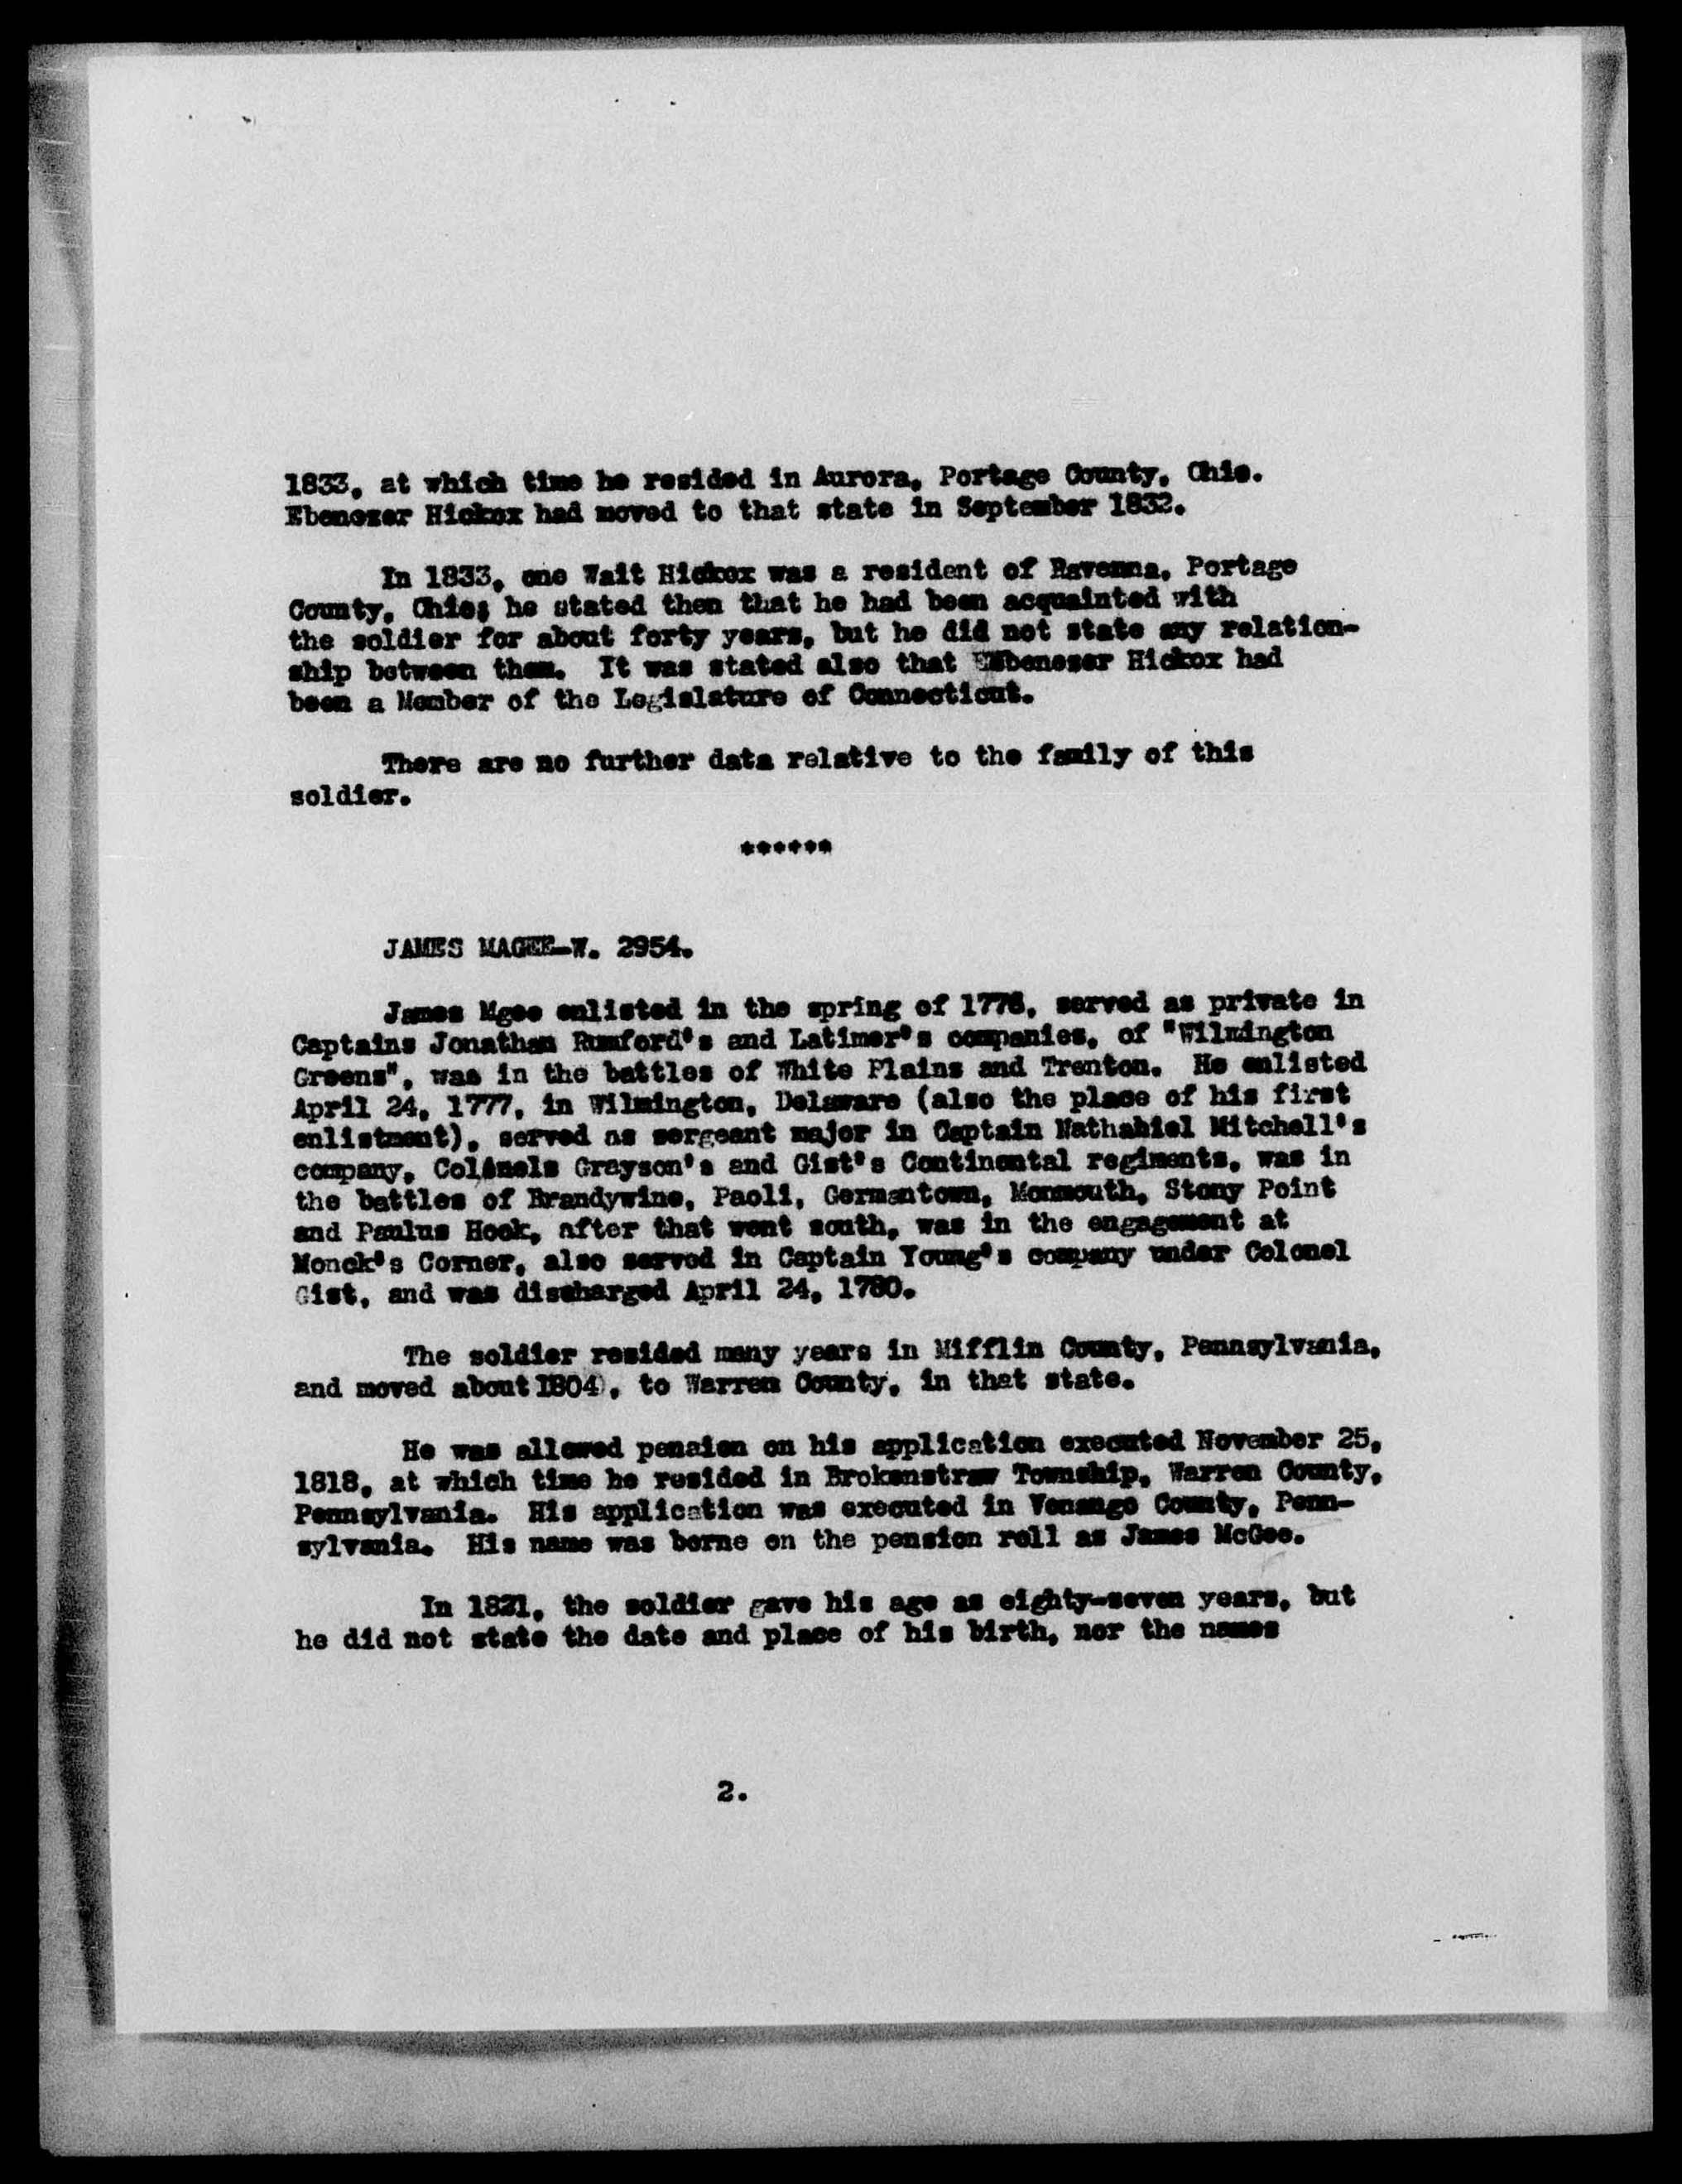1833, at which time he resided in Aurora, Portage County, Ohio.
Ebenezer Hickox had moved to that state in September 1832.
In 1833, one Walt Hickox was a resident of Ravenna, Portage
County, Ohio he stated then that he had been acquainted with
the soldier for about forty years, but he did not state any relationship between them. It was stated also that Ebenezer Hickox had been
a member of the Legislature of Connecticut.
There are no further data relative to the family of this
soldier.
JAMES MAGEE, W. 2954.
James Mgee enlisted in the spring of 1776, served as private in
Captain Jonathan Rumford's and Latimer's companies, of "Wilmington
Greens", was in the battles of White Plains and Trenton. He enlisted
April 24, 1777, in Wilmington, Delaware (also the place of his first
enlistment), served as sergeant major in Captain Nathaniel Mitchell's
company, Colonels Grayson's and Gist's Continental regiments, was in
the battles of Brandywine, Paoli, Germantown, Monmouth, Stony Point
and Paulus Hook, after that went south, was in the engagement at
Monck's Corner, also served in Captain Young's company under Colonel
Gist, and was discharged April 24, 1780.
The soldier resided many years in Mifflin County, Pennsylvania,
and moved about 1804, to Warren County, in that state.
He was allowed pension on his application executed November 25,
1818, at which time he resided in Brokenstraw Township, Warren County,
Pennsylvania. His application was executed in Venango County, Pennsylvania. His name was borne on the pension roll as James McGee.
In 1821, the soldier gave his age as eighty-seven years, but
he did not state the date and place of his birth, nor the names
2.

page: 75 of 77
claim: widow's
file: W 2954, for James Mc Gee, Delaware